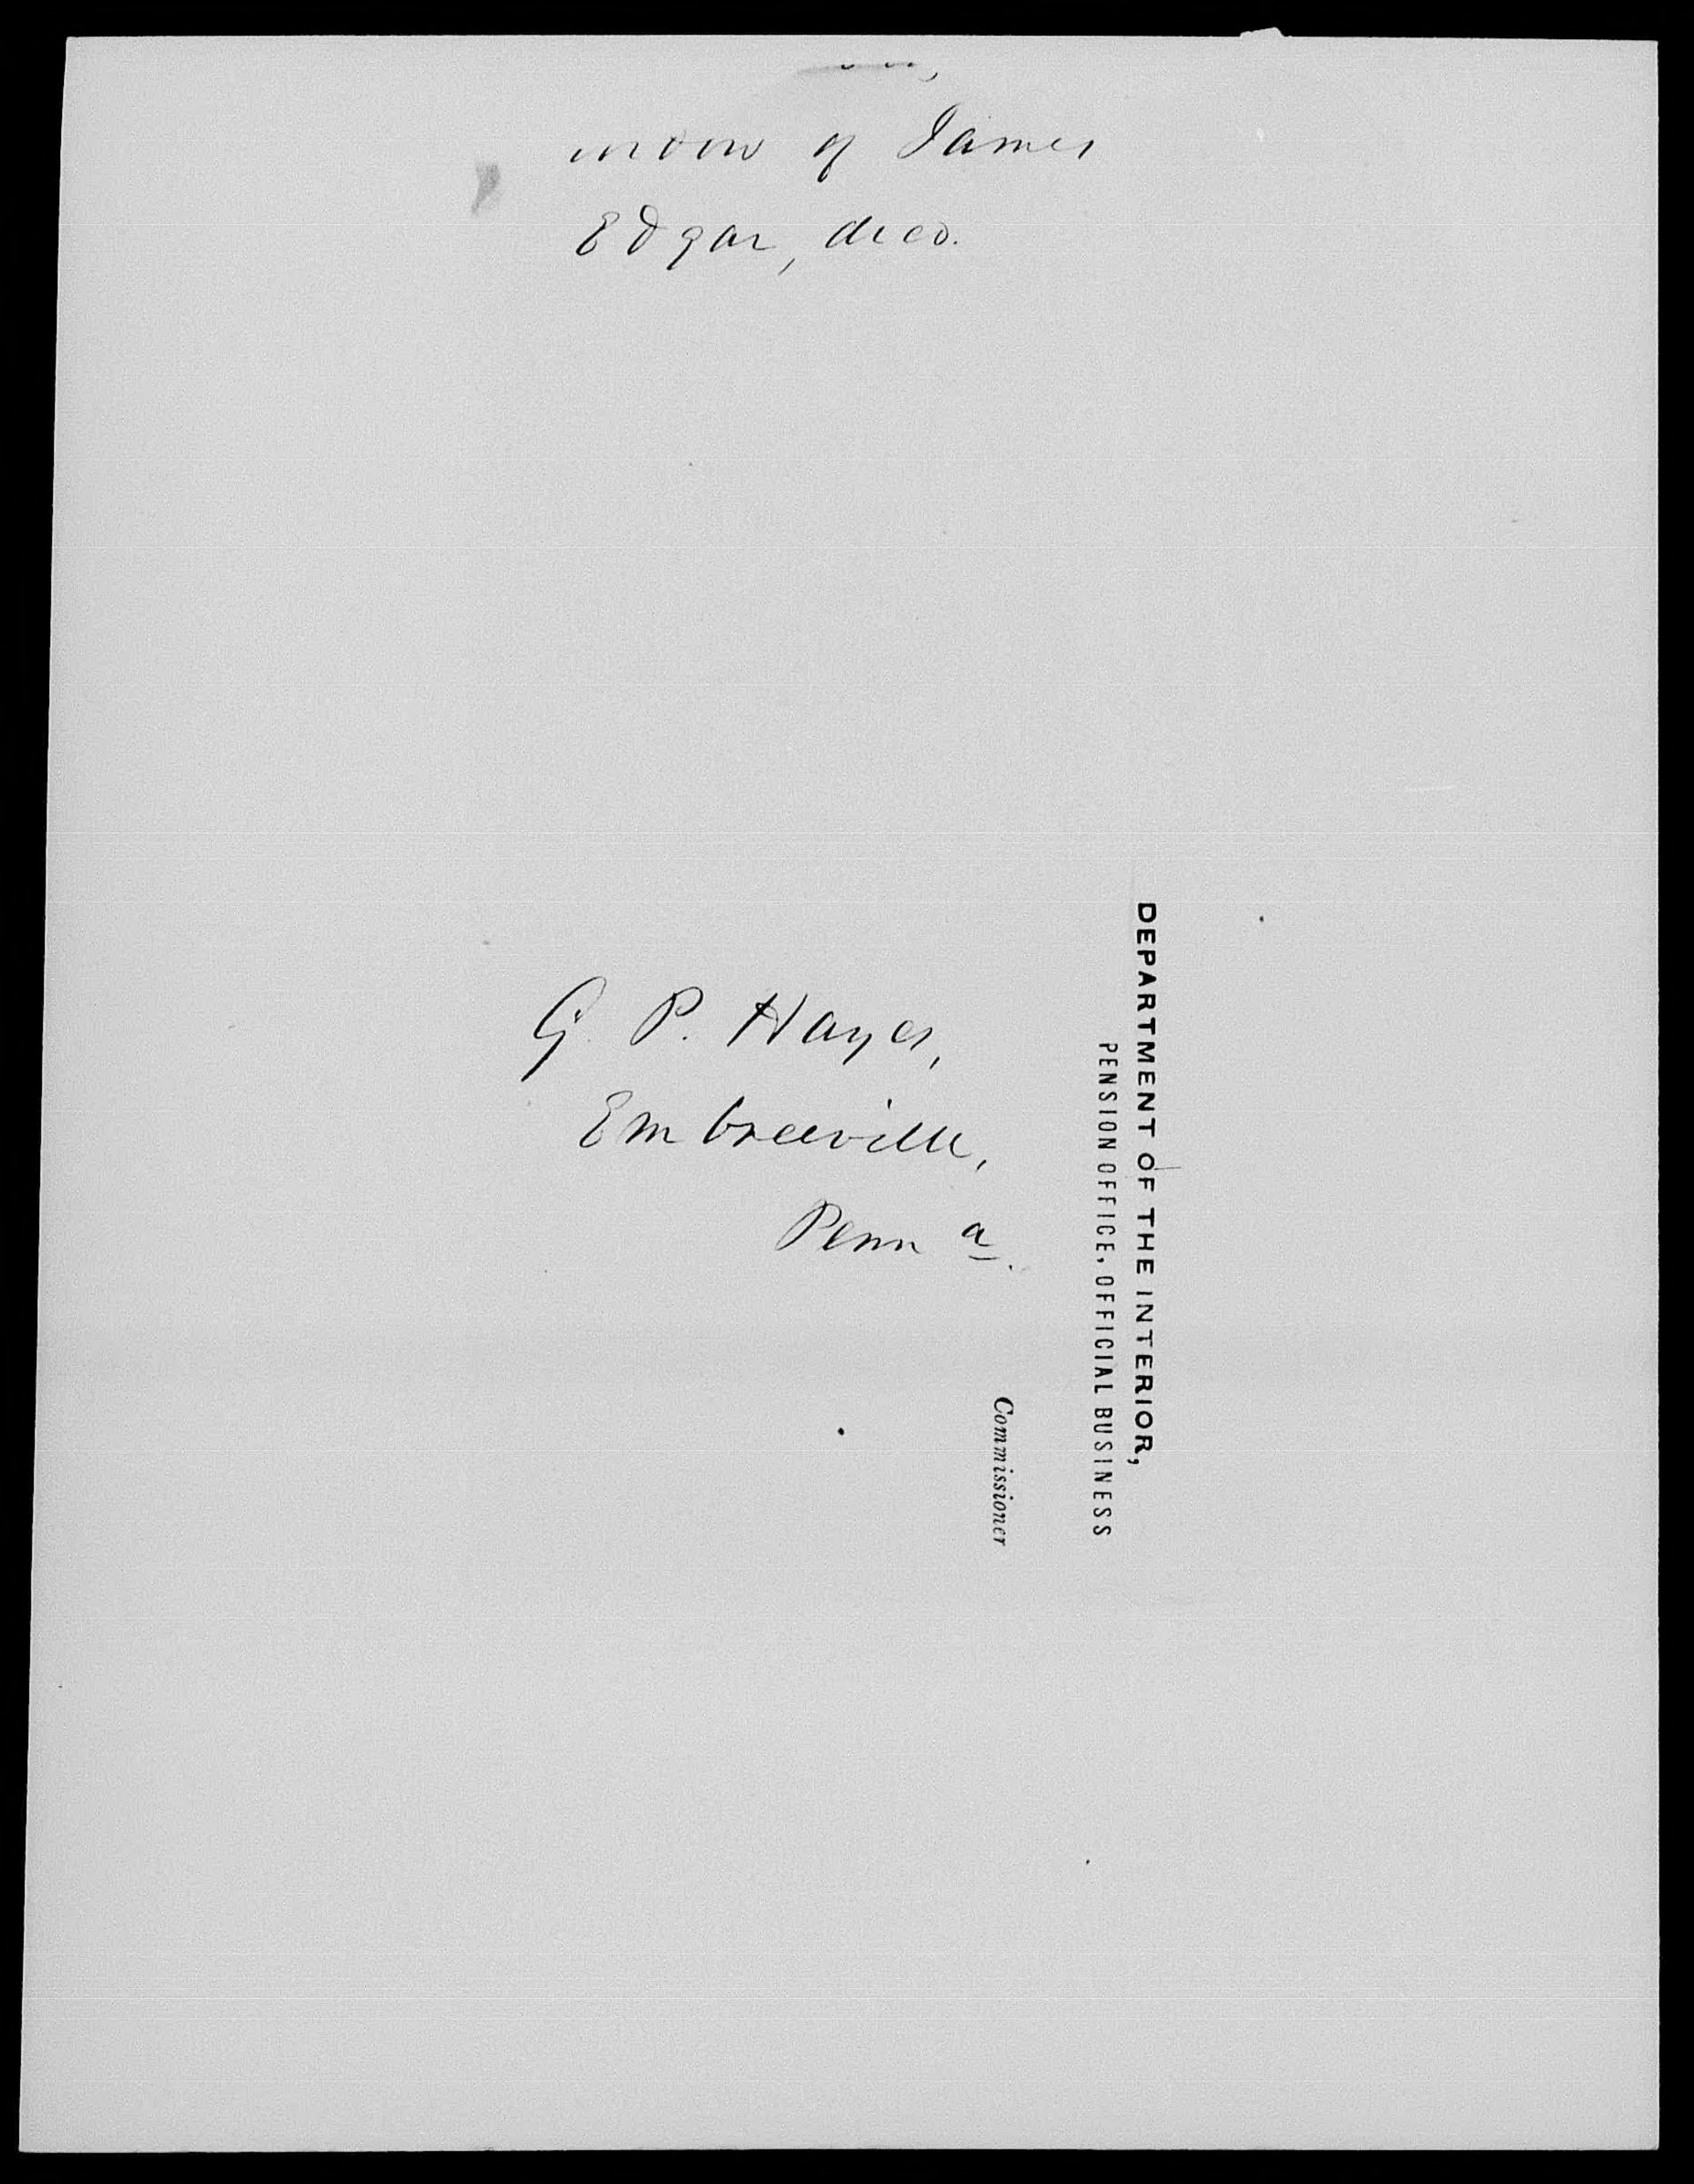Widow of James
Edgar, decd

G. P. Hayes,
Embreeville
Penn a


DPARTMENT OF THE INTERIOR.
PENSION OFFICE, OFFICIAL BUSINESS
Commissioner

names: G P Hayes, James Edgar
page: 37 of 74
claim: widow's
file: W. 9422, James Edgar, Penn.